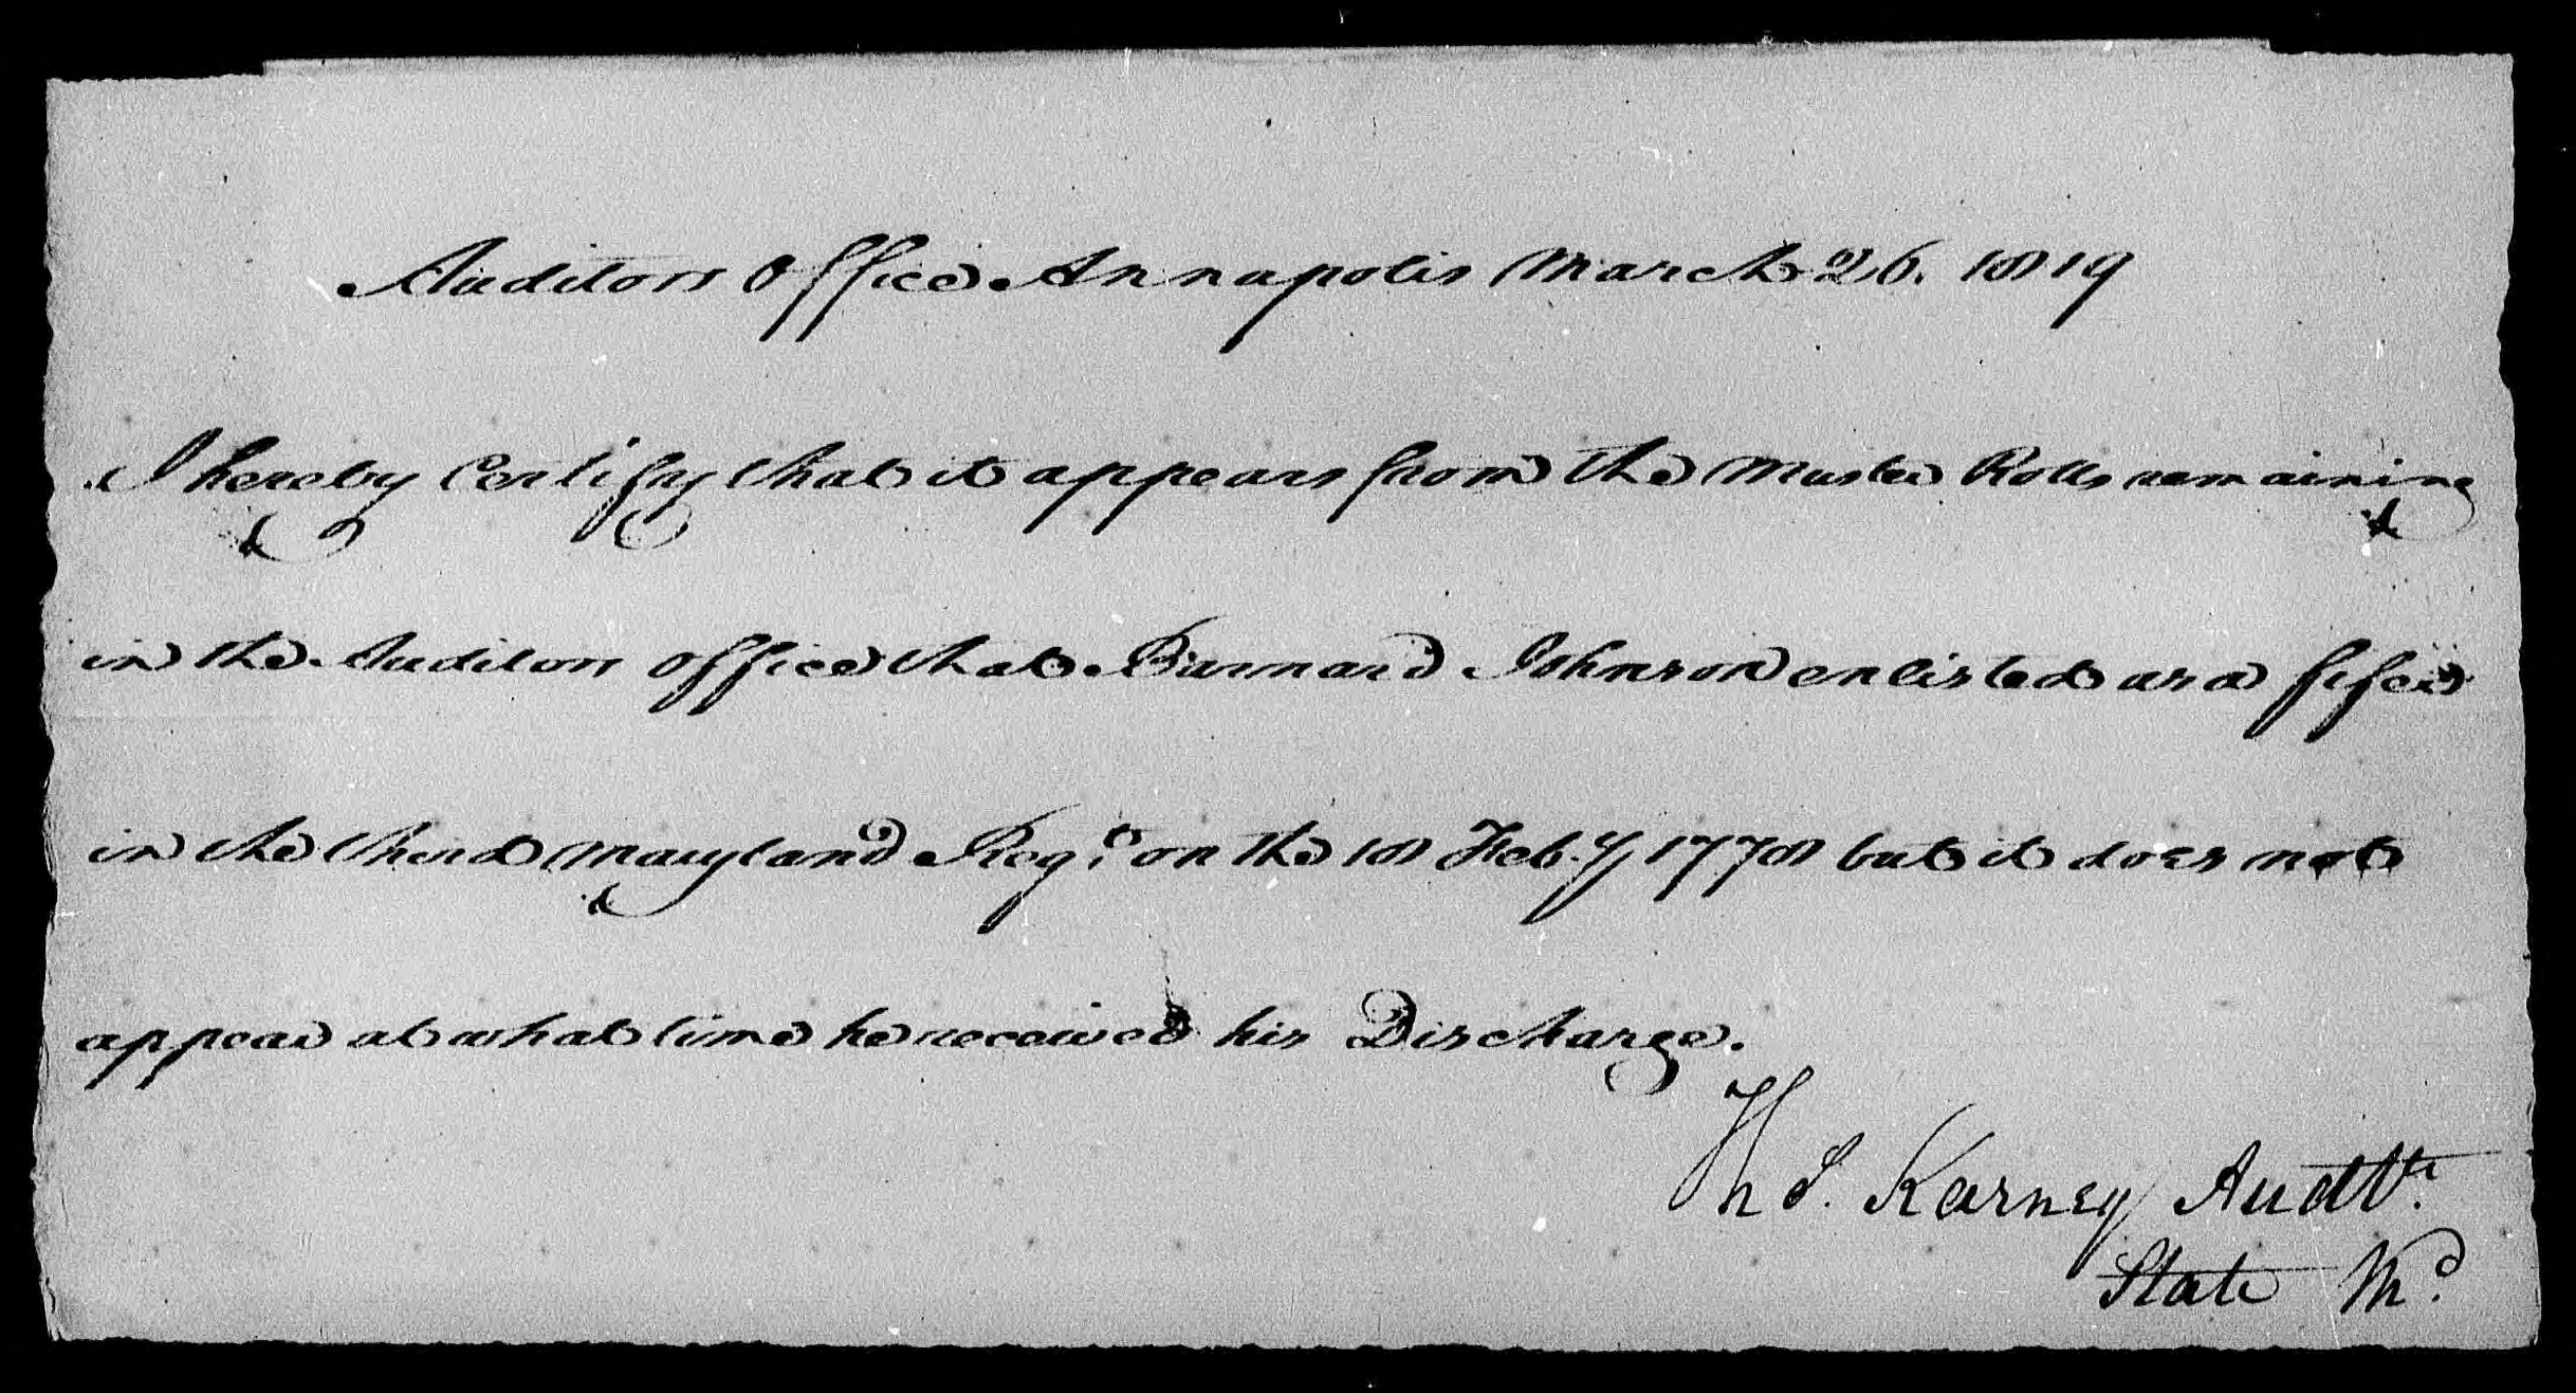Auditors office Annapolis March 26, 1819

I hereby certify that it appears from the Muster Rolls remaining in the Auditors office that Barnard Johnson enlisted as a fifer in the third Maryland Regt. on the 18 Feby 1778 but it does not appear at what time he received his Discharge.
Thos. Karney Audtr.
State Md.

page: 3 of 11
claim: survivor's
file: S. 39,783, for Barny Johnson, Maryland